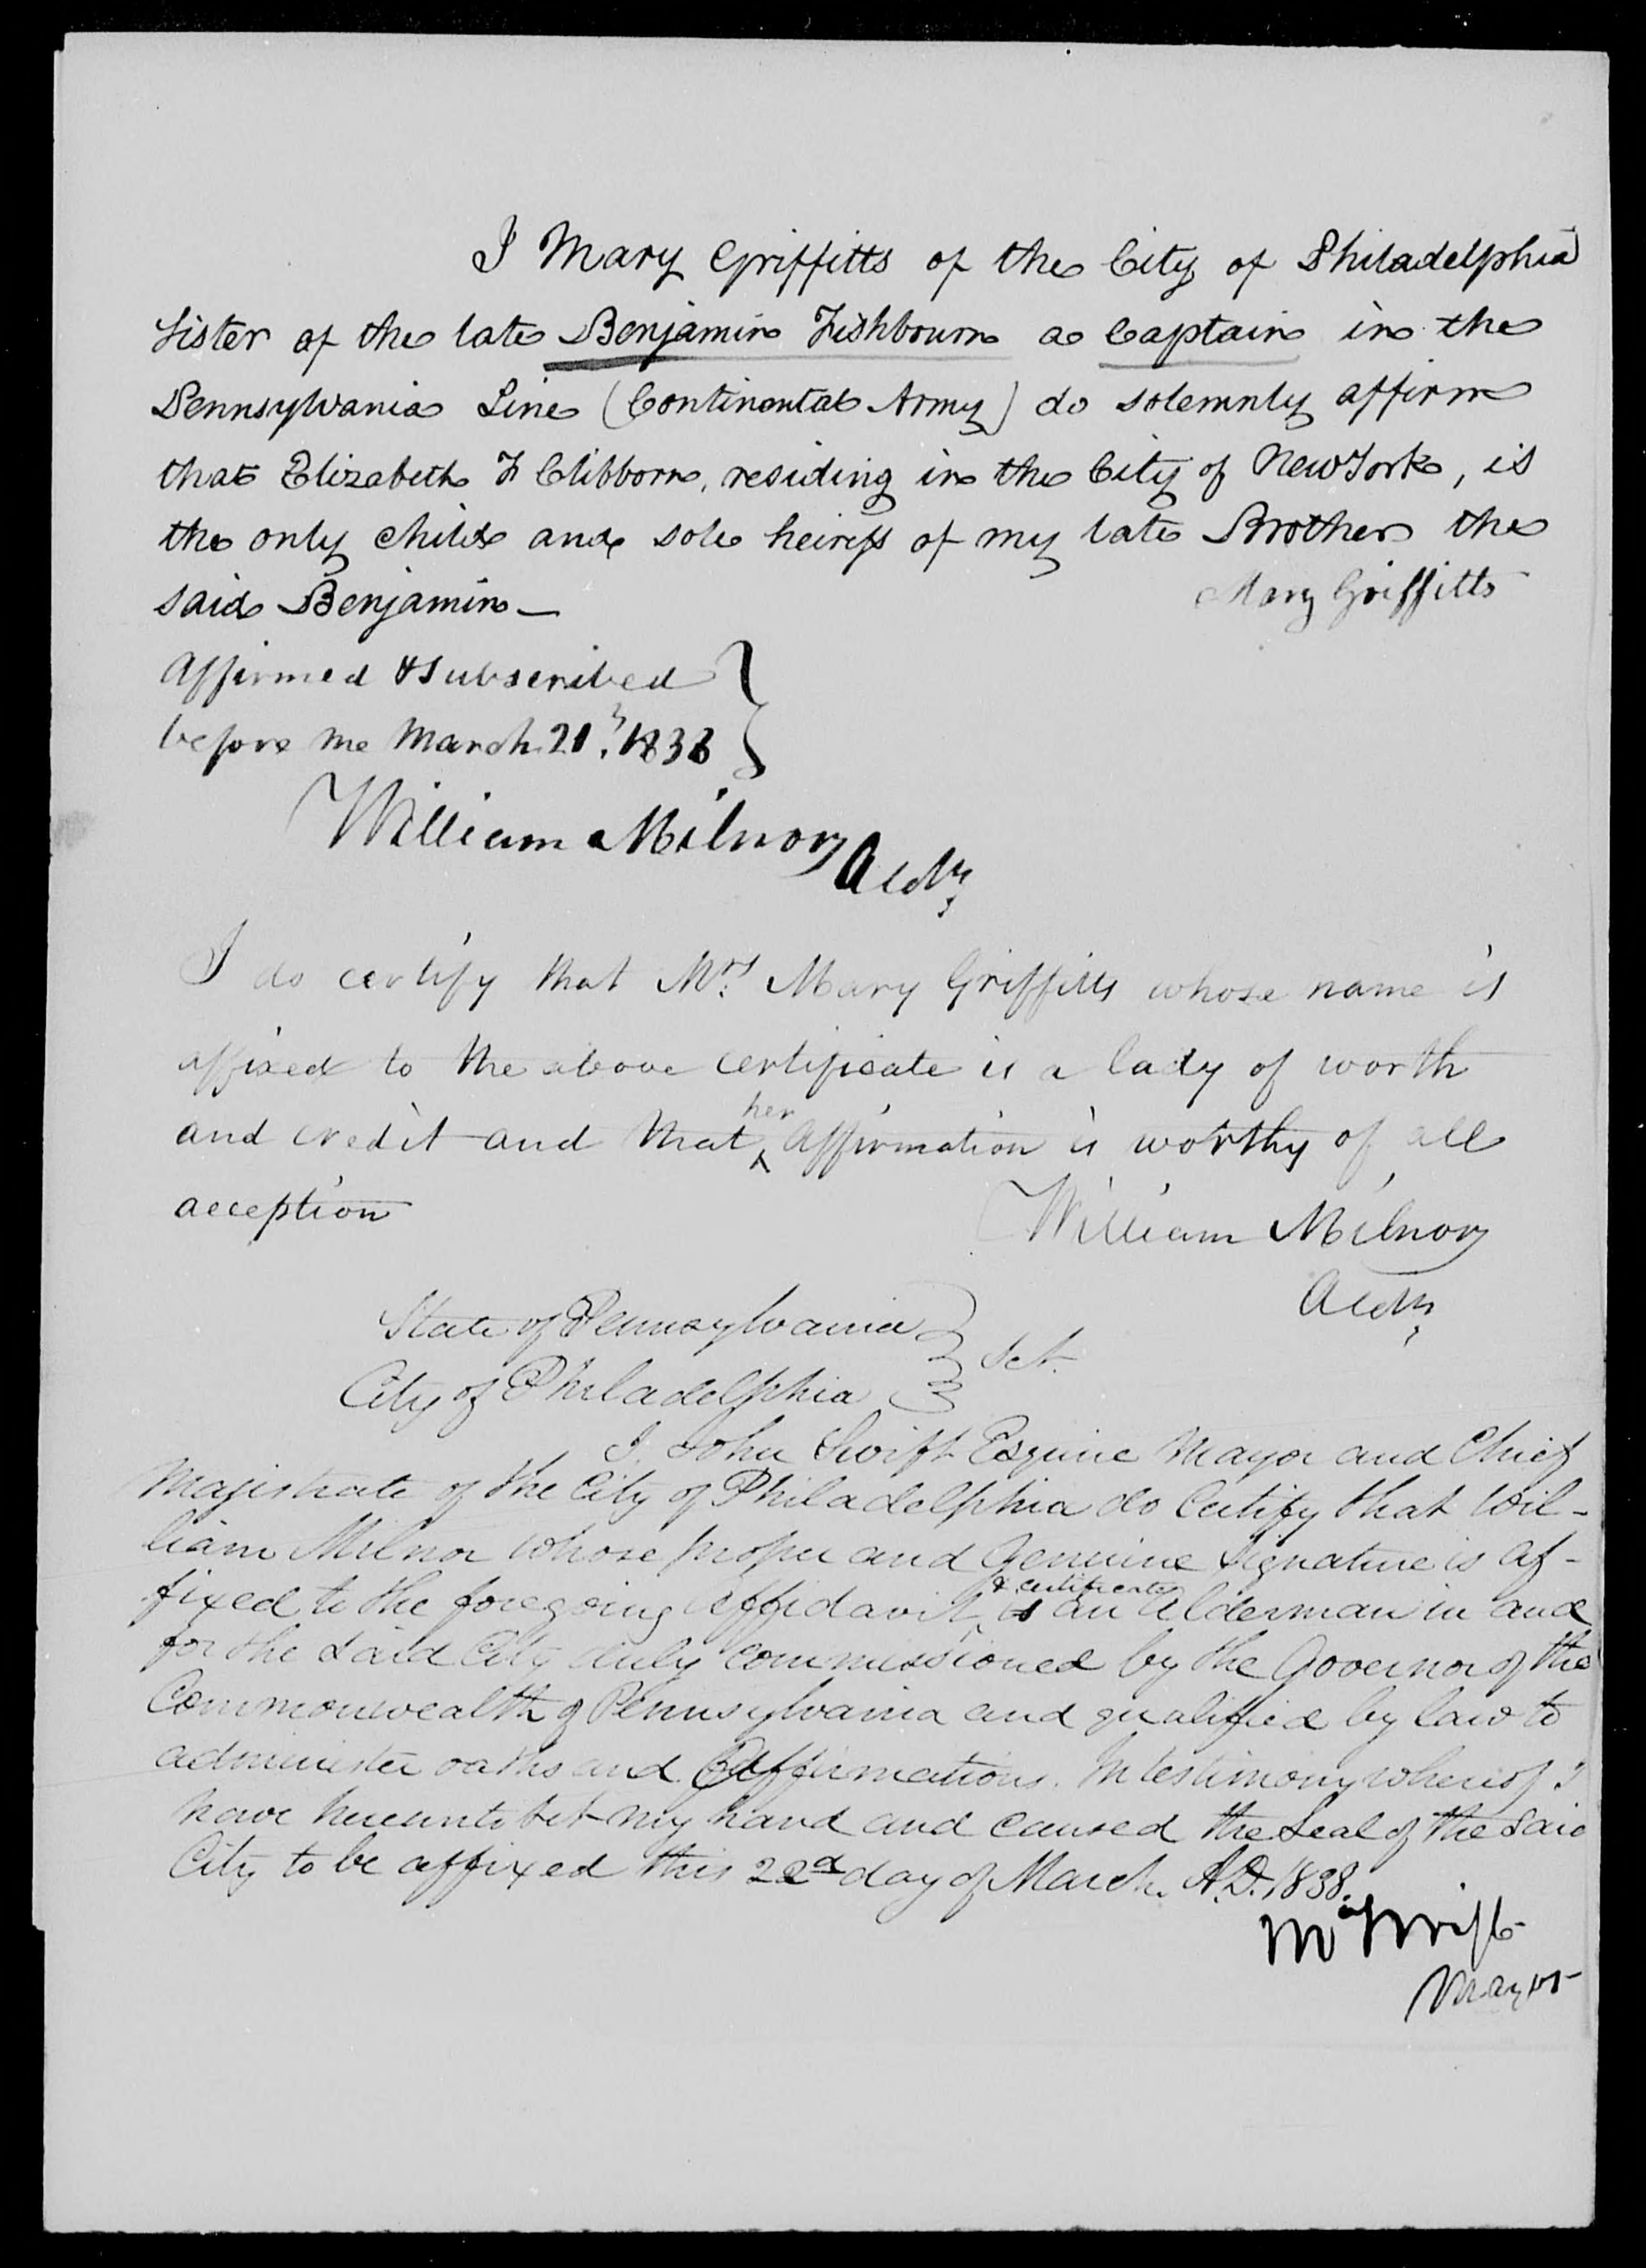I Mary Griffitts of the City of Philadelphia sister of the late Benjamin Fishbourn (underlined) as Captain (underlined) in the Pennsylvania Line (Continental Army) do solemnly affirm that Elizabeth F Gibboorn, residing in the city of New York, is the only childe and sole heiress of my late Brother this said Benjamin     Mary Griffitts
Affirmed & Subscribed before me March 21, 1838}
William Minor Atty

I do certify that Mrs. Mary Griffitts whose name is affixed to the above certificate is a lady of worth and credit-and that her affirmation is worthy of all acception     William Minor  Atty.

State of Pennsylvania City of Philadelphia}sct.
I John Swift Esquire Mayor and Chief Magistrate of the City of Philadelphia do certify that William Minor whose proper and genuine signature is affixed to the foregoing affidavit & certificate  an 
Alderman in and for the said City duly commissioned by the Governor of the Commonwealth of Pennsylvania and qualified by law to administer oaths and Affirmations. In Testimony whereof I have hereunto set my hand and caused the Seal of the said City to be affixed this 22nd day of March. A.D., 1838.
M.[illegible]
Mayor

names: Benjamin Fishbourn, John Swift, William Milnor, Mary Griffitts, Benjamin, William Milnor, Mary Griffitts, Elizabeth F, Mary Griffitts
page: 4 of 11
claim: bounty land warrant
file: B.L.Wt. 2,206-300, Benjamin Fishbourn, Penn.